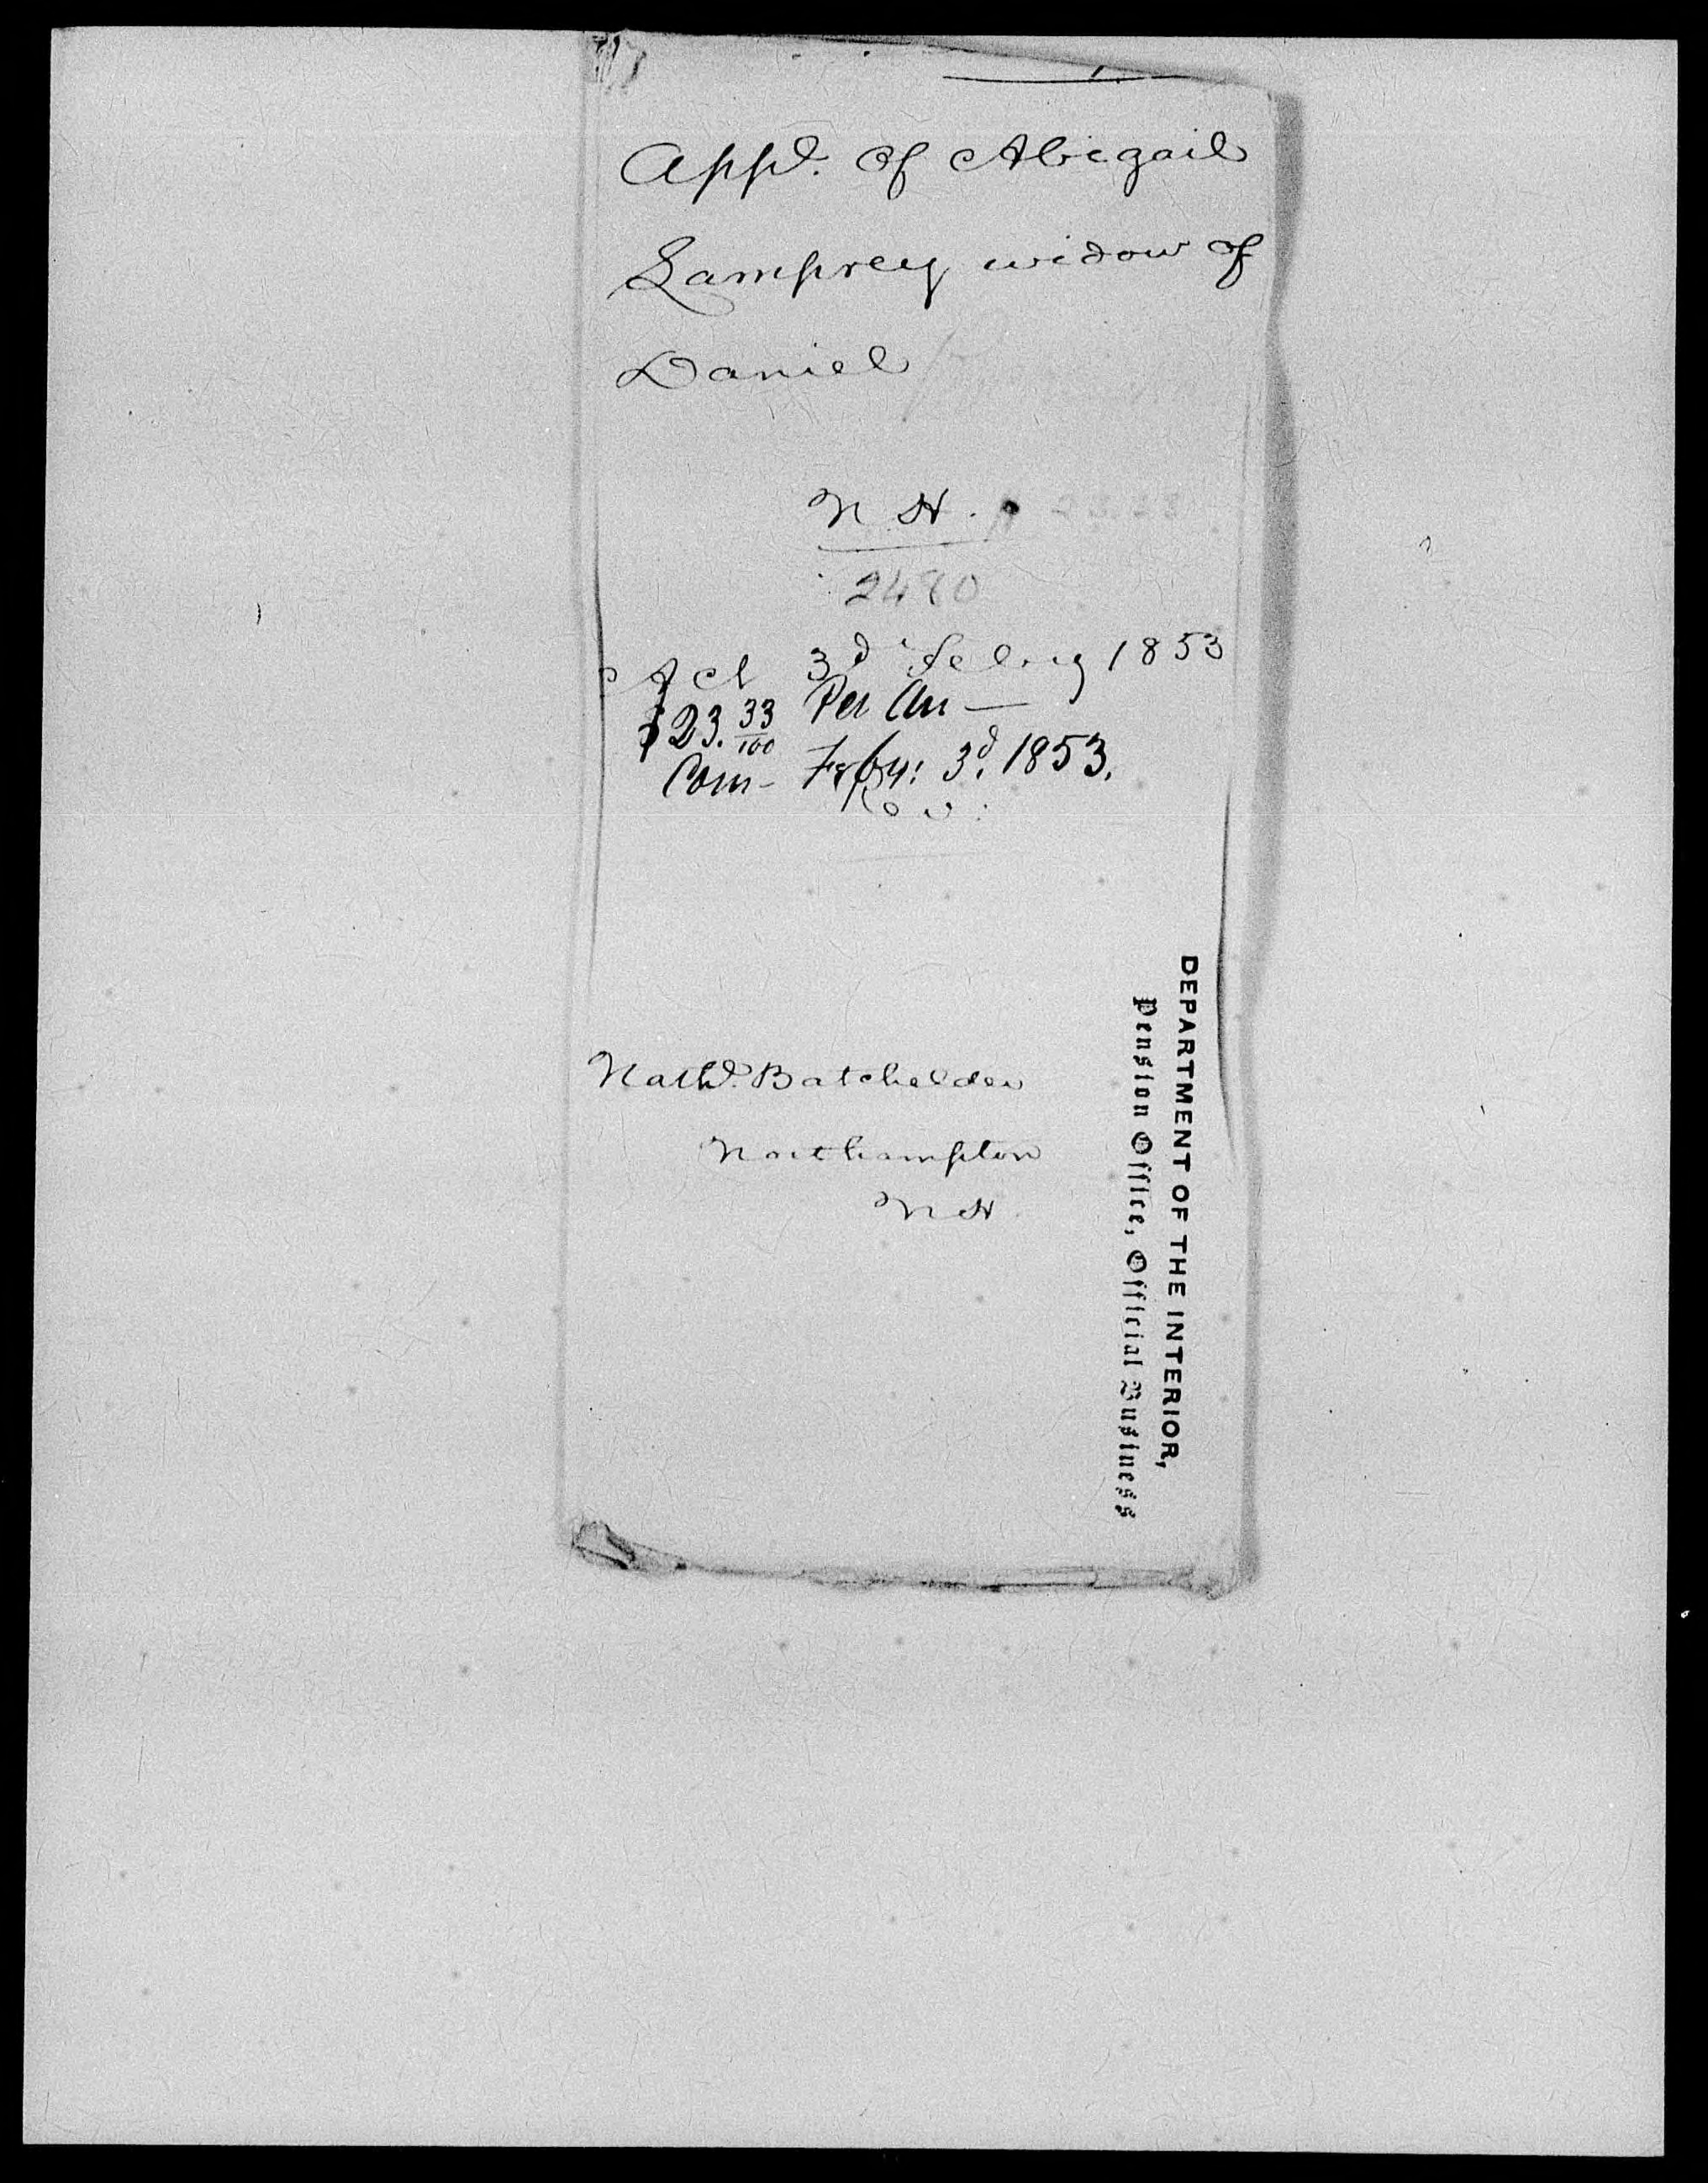Appl. [APPLICATION] of Abigail
Lamprey widow of Daniel

N. H # 2323
2480
Act 3d Feby [FEBRUARY]1853
$23.33/100 Per An [ANNUM]
Com [COMMENCING] - Feb. 3d 1853.

Nathl. [NATHANIEL] Batchelder
Northampton NH
[sideways] DEPARTMENT OF THE INTERIOR,
Pension Office, Official Business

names: Daniel Lamprey; Abigail Lamprey; Nathl Batchelder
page: 29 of 53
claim: widow's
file: W. 492, for Daniel Lamprey, New Hampshire